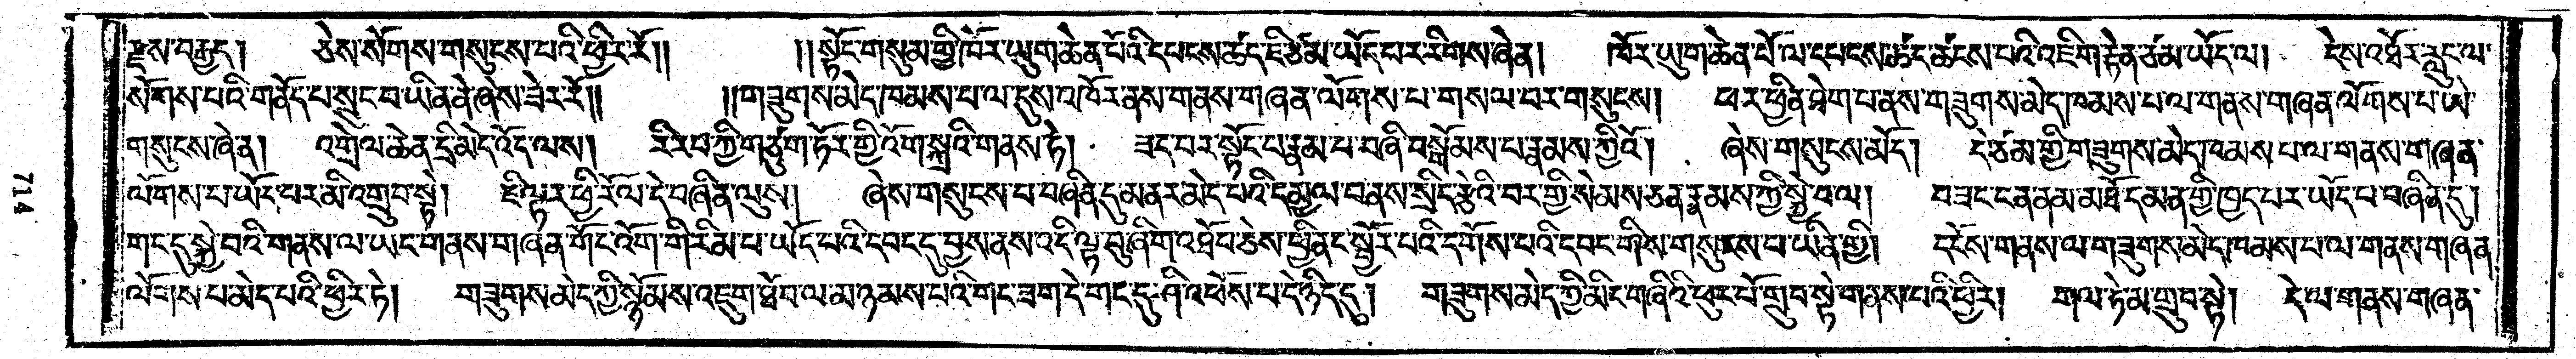རྫས་བརྒྱད། ཅེས་སོགས་གསུངས་པའི་ཕྱིར་རོ།། །།སྟོང་གསུམ་གྱི་ཁོར་ཡུག་ཆེན་པོའི་དབངས་ཚད་ཇི་ཙམ་ཡོད་པར་རིགས་ཞེ་ན། ཁོར་ཡུག་ཆེན་པོ་ལ་དཔངས་ཚད་ཚངས་པའི་འཇིག་རྟེན་ཙམ་ཡོད་ལ། དེས་འཐོར་རླུང་ལ་
སོགས་པའི་གནོད་པ་སྲུང་པ་ཡིན་ནེ་ཞེས་ཟེར་རོ།། །།གཟུགས་མེད་ཁམས་པ་ལ་དུས་འཁོར་ནས་གནས་གཞན་ལོགས་པ་གསལ་བར་གསུངས། ཕར་ཕྱིན་ཐེག་པ་ནས་གཟུགས་མེད་ཁམས་པ་ལ་གནས་གཞན་ལོགས་པ་ཡེ་
གསུངས་ཞེ་ན། འགྲེལ་ཆེན་དྲི་མེད་འོད་ལས། རི་རབ་ཀྱི་གཙུག་ཏོར་གྱི་འོག་སྒྲའི་གནས་ཏེ། ཟད་པར་སྟོང་པ་རྣམ་པ་བཞི་བསྒོམས་པ་རྣམས་ཀྱིའོ། ཞེས་གསུངས་མོད། དེ་ཙམ་གྱི་གཟུགས་མེད་ཁམས་པ་ལ་གནས་གཞན་
ལོགས་པ་ཡོང་པར་མི་འགྲུབ་སྟེ། ཇི་ལྟར་ཕྱི་རོལ་དེ་བཞིན་ལུས། ཞེས་གསུངས་པ་བཞིན་དུ་མནར་མེད་པའི་དམྱལ་བ་ནས་སྲིད་རྩེའི་བར་གྱི་སེམས་ཅན་རྣམས་ཀྱི་སྐྱེ་བ་ལ། བཟང་ངན་ནམ་མཐོ་དམན་གྱི་ཁྱད་པར་ཡོད་པ་བཞིན་དུ།
གང་དུ་སྐྱེ་བའི་གནས་ལ་ཡང་གནས་གཞན་གོང་འོག་གི་རིམ་པ་ཡོད་པའི་དབང་དུ་བྱས་ནས་འདི་ལྟ་བུ་ཞིག་འཐོབ་ཅེས་ཕྱི་ནང་སྦྱོར་བའི་དགོས་པའི་དབང་གིས་གསུངས་པ་ཡིན་གྱི། དངོས་གནས་ལ་གཟུགས་མེད་ཁམས་པ་ལ་གནས་གཞན་
ལོགས་པ་མེད་པའི་ཕྱིར་ཏེ། གཟུགས་མེད་ཀྱི་སྙོམས་འཇུག་ཐོབ་ལ་མ་ཉམས་པའི་གང་ཟག་དེ་གང་དུ་ཤི་འཕོས་པ་དེ་ཉིད་དུ། གཟུགས་མེད་ཀྱི་མིང་གཞིའི་ཕུང་པོ་གྲུབ་སྟེ་གནས་པའི་ཕྱིར། གལ་ཏེ་མ་གྲུབ་སྟེ། དེ་ལ་གནས་གཞན་